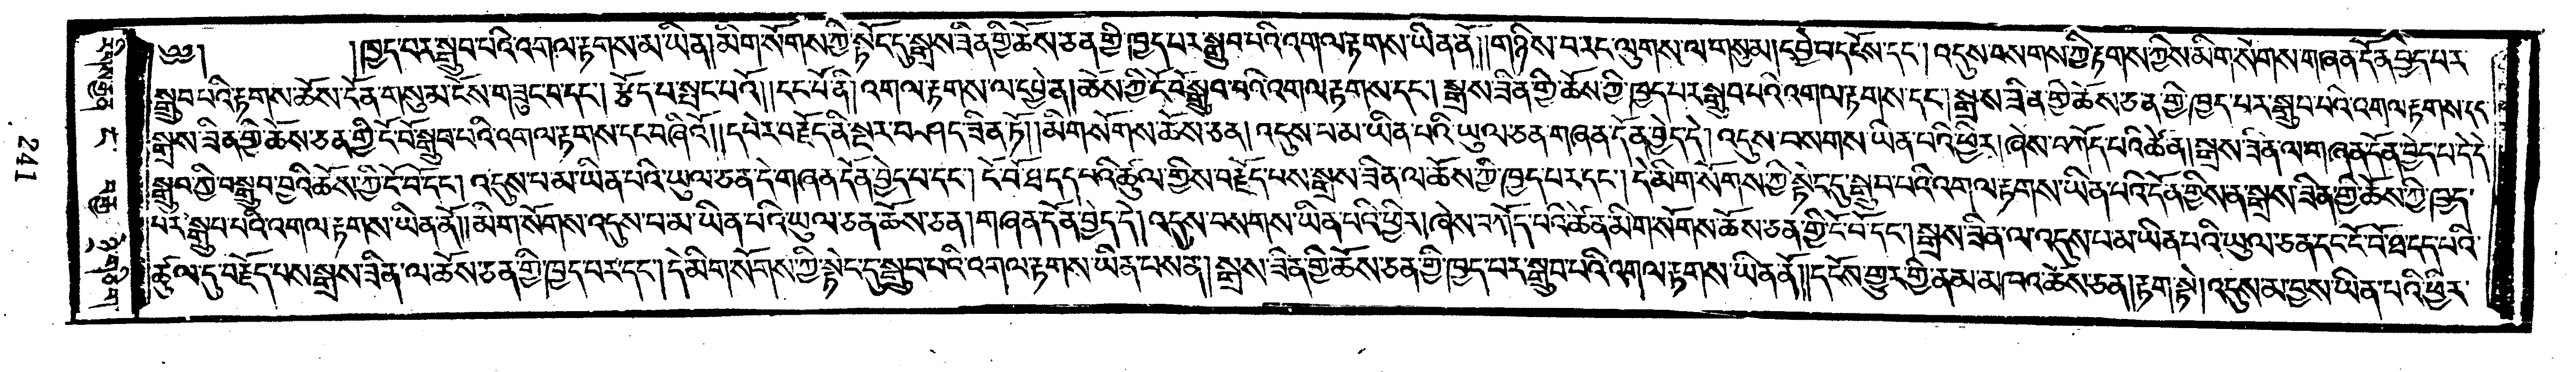༄༅། །ཁྱད་པར་སྒྲུབ་པའི་འགལ་རྟགས་མ་ཡིན། མིག་སོགས་ཀྱི་སྟེང་དུ་སྒྲས་ཟིན་གྱི་ཆོས་ཅན་གྱི་ཁྱད་པར་སྒྲུབ་པའི་འགལ་རྟགས་ཡིན་ནོ། །གཉིས་པ་རང་ལུགས་ལ་གསུམ། དབྱེ་བ་དངོས་དང་། འདུས་བསགས་ཀྱི་རྟགས་ཀྱིས་མིག་སོགས་གཞན་དོན་བྱེད་པར་
སྒྲུབ་པའི་རྟགས་ཆོས་དོན་གསུམ་ངོས་གཟུང་བ་དང་། རྩོད་པ་སྤང་བའོ། །དང་པོ་ནི། འགལ་རྟགས་ལ་དབྱེ་ན། ཆོས་ཀྱི་ངོ་བོ་སྒྲུབ་པའི་འགལ་རྟགས་དང་། སྒྲས་ཟིན་གྱི་ཆོས་ཀྱི་ཁྱད་པར་སྒྲུབ་པའི་འགལ་རྟགས་དང་། སྒྲས་ཟིན་གྱི་ཆོས་ཅན་གྱི་ཁྱད་པར་སྒྲུབ་པའི་འགལ་རྟགས་དང་།
སྒྲས་ཟིན་གྱི་ཆོས་ཅན་གྱི་ངོ་བོ་སྒྲུབ་པའི་འགལ་རྟགས་དང་བཞིའོ། །དཔེར་བརྗོད་ནི་སྔར་བཤད་ཟིན་ཏོ། །མིག་སོགས་ཆོས་ཅན། འདུས་པ་མ་ཡིན་པའི་ཡུལ་ཅན་གཞན་དོན་བྱེད་དེ། འདུས་བསགས་ཡིན་པའི་ཕྱིར། ཞེས་བཀོད་པའི་ཚེ་ན། སྒྲས་ཟིན་ལ་གཞན་དོན་བྱེད་པ་དེ་དེ་
སྒྲུབ་ཀྱི་བསྒྲུབ་བྱའི་ཆོས་ཀྱི་ངོ་བོ་དང་། འདུས་པ་མ་ཡིན་པའི་ཡུལ་ཅན་དེ་གཞན་དོན་བྱེད་པ་དང་། ངོ་བོ་ཐ་དད་པའི་ཚུལ་གྱིས་བརྗོད་པས་སྒྲས་ཟིན་ལ་ཆོས་ཀྱི་ཁྱད་པར་དང་། དེ་མིག་སོགས་ཀྱི་སྟེང་དུ་སྒྲུབ་པའི་འགལ་རྟགས་ཡིན་པའི་དོན་གྱིས་ན་སྒྲས་ཟིན་གྱི་ཆོས་ཀྱི་ཁྱད་
པར་སྒྲུབ་པའི་འགལ་རྟགས་ཡིན་ནོ། །མིག་སོགས་འདུས་པ་མ་ཡིན་པའི་ཡུལ་ཅན་ཆོས་ཅན། གཞན་དོན་བྱེད་དེ། འདུས་བསགས་ཡིན་པའི་ཕྱིར། ཞེས་བཀོད་པའི་ཚེ་ན་མིག་སོགས་ཆོས་ཅན་གྱི་ངོ་བོ་དང་། སྒྲས་ཟིན་ལ་འདུས་པ་མ་ཡིན་པའི་ཡུལ་ཅན་དང་ངོ་བོ་ཐ་དད་པའི་
ཚུལ་དུ་བརྗོད་པས་སྒྲས་ཟིན་ལ་ཆོས་ཅན་གྱི་ཁྱད་པར་དང་། དེ་མིག་སོགས་ཀྱི་སྟེང་དུ་སྒྲུབ་པའི་འགལ་རྟགས་ཡིན་པས་ན། སྒྲས་ཟིན་གྱི་ཆོས་ཅན་གྱི་ཁྱད་པར་སྒྲུབ་པའི་འགལ་རྟགས་ཡིན་ནོ། །དངོས་གྱུར་གྱི་ནམ་མཁའ་ཆོས་ཅན། རྟག་སྟེ། འདུས་མ་བྱས་ཡིན་པའི་ཕྱིར་